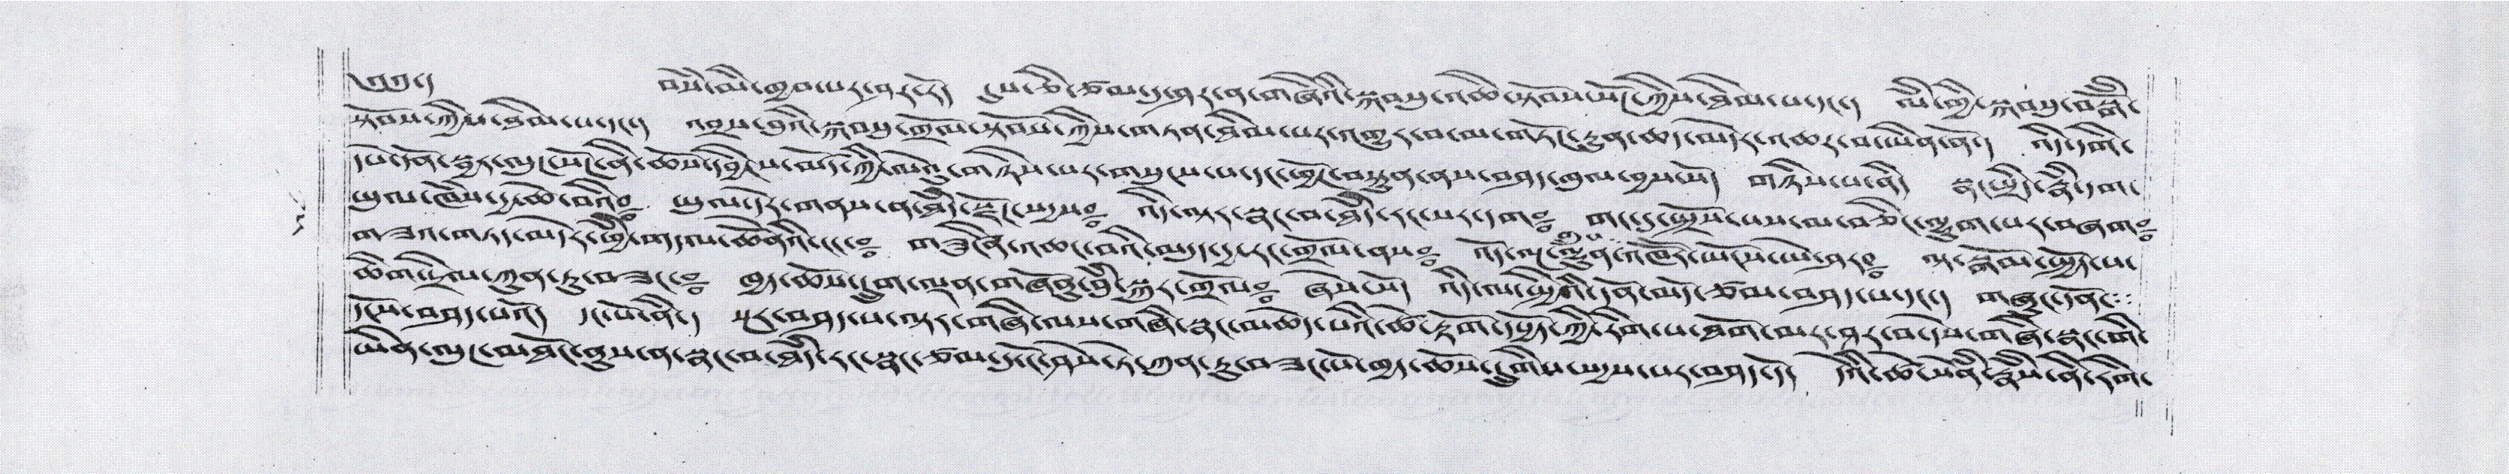བསམ་མི་ཁྱབ་པར་ཤར་རོ། དུས་ཅི་ཙམ་ན་ཤར་ན་གཞིའི་སྐབས་སུ་འཆི་སྟོབས་སོགས་ཀྱིས་ཐིམ་པ་དང་། ལམ་གྱི་སྐབས་སུ་བསྒོམ་
སྟོབས་ཀྱིས་ཐིམ་པ་དང་། འབྲས་བུའི་སྐབས་སུ་གྲོལ་སྟོབས་ཀྱིས་གཏན་ཐིམ་པར་འགྱུར་བ་མ་གཏོགས་རྒྱུན་ཆད་མེད་པར་འཆར་བ་ཡིན་ནོ། འདི་དག་གི་
དཔེ་དོན་སྦྱར་ལུགས་སོགས་ནི་ཆོས་དབྱིངས་མཛོད་ཀྱི་ལེའུ་གཉིས་པར་གསུངས་པ་དང་ཕྱོགས་བསྟུན་ནས་བཤད་ཁུལ་བྱས་སོ། གཉིས་པ་ནི། སྣང་སྲིད་རྣམ་དག་
ཡུལ་ཁམས་རྒྱ་ཆེ་བའིཿ ཡུལ་དེར་གནས་ན་ཐམས་ཅད་རྫོགས་སངས་རྒྱསཿ འདི་ལྟར་སྣང་བ་ཐམས་ཅད་རང་སར་དགཿ གང་དུ་སྤྲོས་པས་མ་བཅིངས་ལྷུག་པར་བཞགཿ 
གཟའ་གཏད་མེད་པར་ཕྱམ་གདལ་ཆེན་པོའི་ངངཿ གཟུང་འཛིན་འཆང་བའི་མདུད་རྒྱ་རང་གྲོལ་ནསཿ འོད་ལྔ་ལྷུན་གྲུབ་འཁོིར་ལོ་ཡོངས་ཡེ་ཤརཿ ལྟ་སྒོམ་སྤྱོད་པ་
ཆིག་དྲིལ་ཀུན་ཏུ་བཟངཿ ཁྱད་ཆོས་དྲུག་ལྡན་གཞོན་ནུ་བུམ་སྐུར་གྲོལཿ ཞེས་སོ། འདི་ལ་སྤྱིོའི་དོན་མདོ་ཙམ་བཤད་པ་དང་། གཞུང་དོན་
དངོས་བཤད་པའོ། དང་པོ་ནི། སྔར་བཤད་པ་ལྟར་གཞི་ལས་གཞི་སྣང་མཆེད་པའི་ཚེ་རྟོག་དཔྱོད་ཀྱི་རིག་པ་ཐོག་མར་ཤར་བ་དེས་གཞི་སྣང་གི་
ཡིན་ལུགས་མཐོང་ནུས་ན་སྣང་བ་ཐམས་ཅད་རང་སྣང་ཙམ་དུ་ངོ་ཤེས་ཏེ་ཀུན་ཏུ་བཟང་པོ་ཁྱད་ཆོས་དྲུག་གིས་སངས་རྒྱས་པར་བཤད་དོ། དེའི་ཚེ་སེམས་ཅན་རྣམས་ནི་རིག་